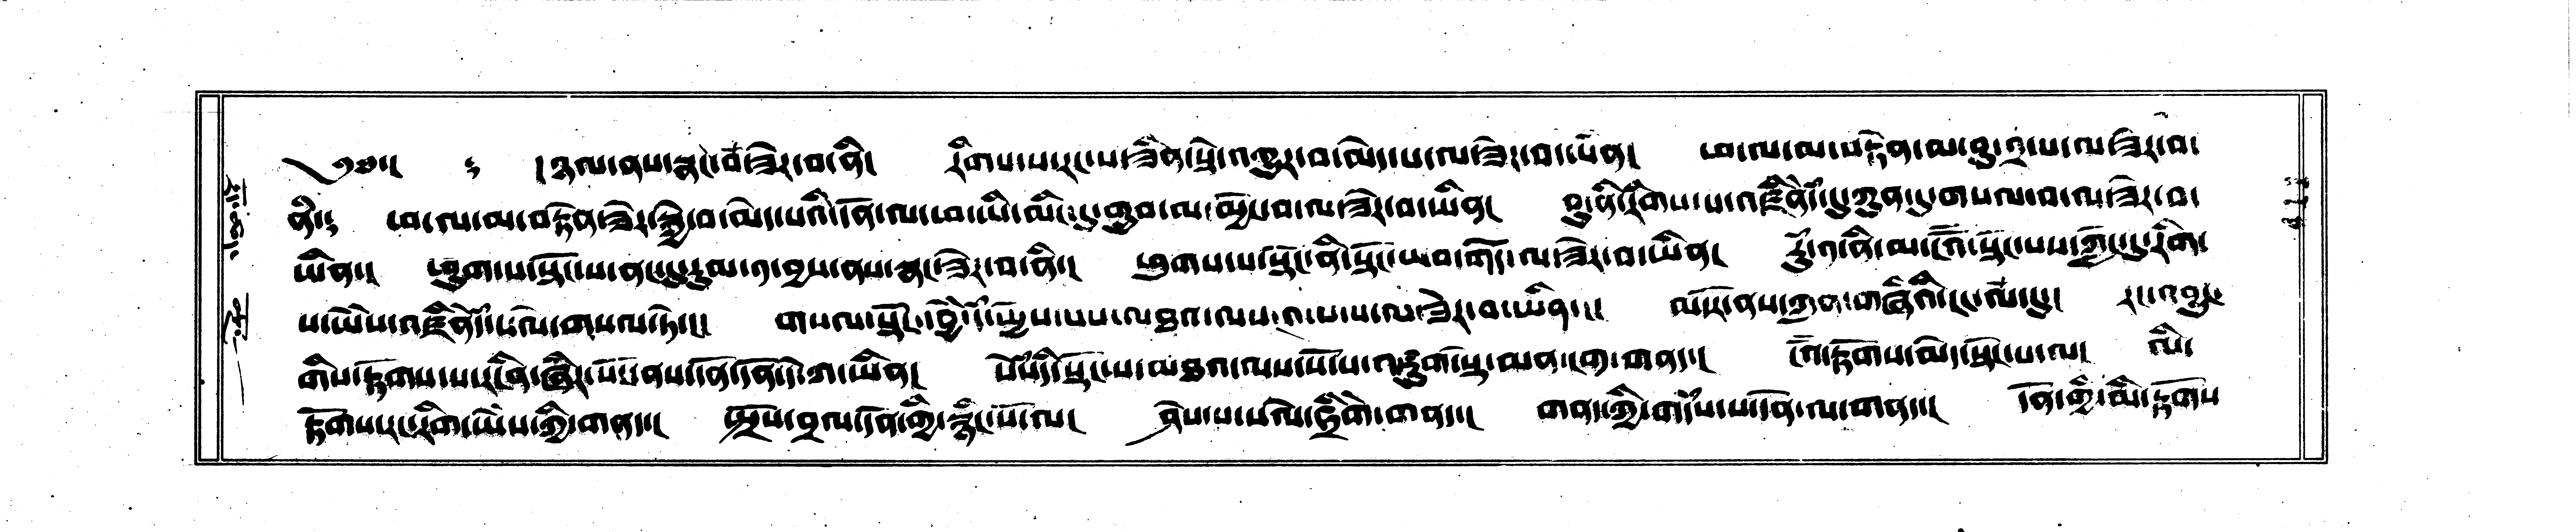ཉལ་ནས་སྣང་ཟེར་བ་ནི། རིགས་པས་རང་ས་ཟིན་ཏེ་འགྱུར་བ་མེད་པ་ལ་ཟེར་བ་ཡིན། ཕ་ལ་མ་བརྟེན་ཟེར་བ་
ནི། སྐྱེ་བ་མེད་པའི་དོན་ལ་ཕའི་མིང་དུ་གྲུབ་མ་མྱོང་བ་ཟེར་བ་ཡིན། མ་བུ་གཉིས་ཟེར་བ་ནི། མ་ནི་ངོའོ་ཅིར་ཡང་མ་གྲུབ་སྟོང་པ་ཁྱབ་བདལ་ལ་ཟེར་བ་
ཡིན། བུ་ནི་རིག་པ་འཛིན་མེད་ཀུན་དུ་གསལ་བ་ལ་ཟེར་བ་ཡིན། ཕུག་སྟོང་ནང་དུ་རུམ་ཅིག་བྱས་ནས་སྣང་ཟེར་བ་ཡིན། རུམ་ཅིག་ནི། མ་ངོའོ་སྟོང་པའི་ཀློང་དུ། བུ་རིག་
པའི་ཡེ་ཤེས་འཛིན་མེད་སལེ་གསལ་ཏེ། གསལ་སྟོང་དབྱེར་མེད་སྤྲོས་པའི་མཐའ་ལས་འདས་པ་ལ་ཟེར་བ་ཡིན། མདོར་ན་ཀུན་གཞིའི་ངང་དུ། རང་འབྱུང་
གིས་རྟོགས་པ་རང་ཞི་རུ་སོང་ན་དོན་དེ་ཀ་ཡིན་ནོ། སེམས་ཉིད་སྟོང་ལ་མཐའ་བྲལ་ལ། སོ་པ་འཛུག་སྟེ་མེན་ངག་གནད། ངོའོ་རྟོག་མེད་སྟོང་པ་ལ། མི་
རྟོག་རང་རིག་ཡེ་ཤེས་ཀྱིས་གནད། སྤྲོས་བྲལ་དོན་གྱིས་སྙིང་པོ་ལ། ཤེས་པ་སལེ་ཧྲིག་གེ་གནད། གནད་ཀྱིས་གདམ་པ་དོན་ལ་གཅེས། དོན་ནི་མི་རྟོག་